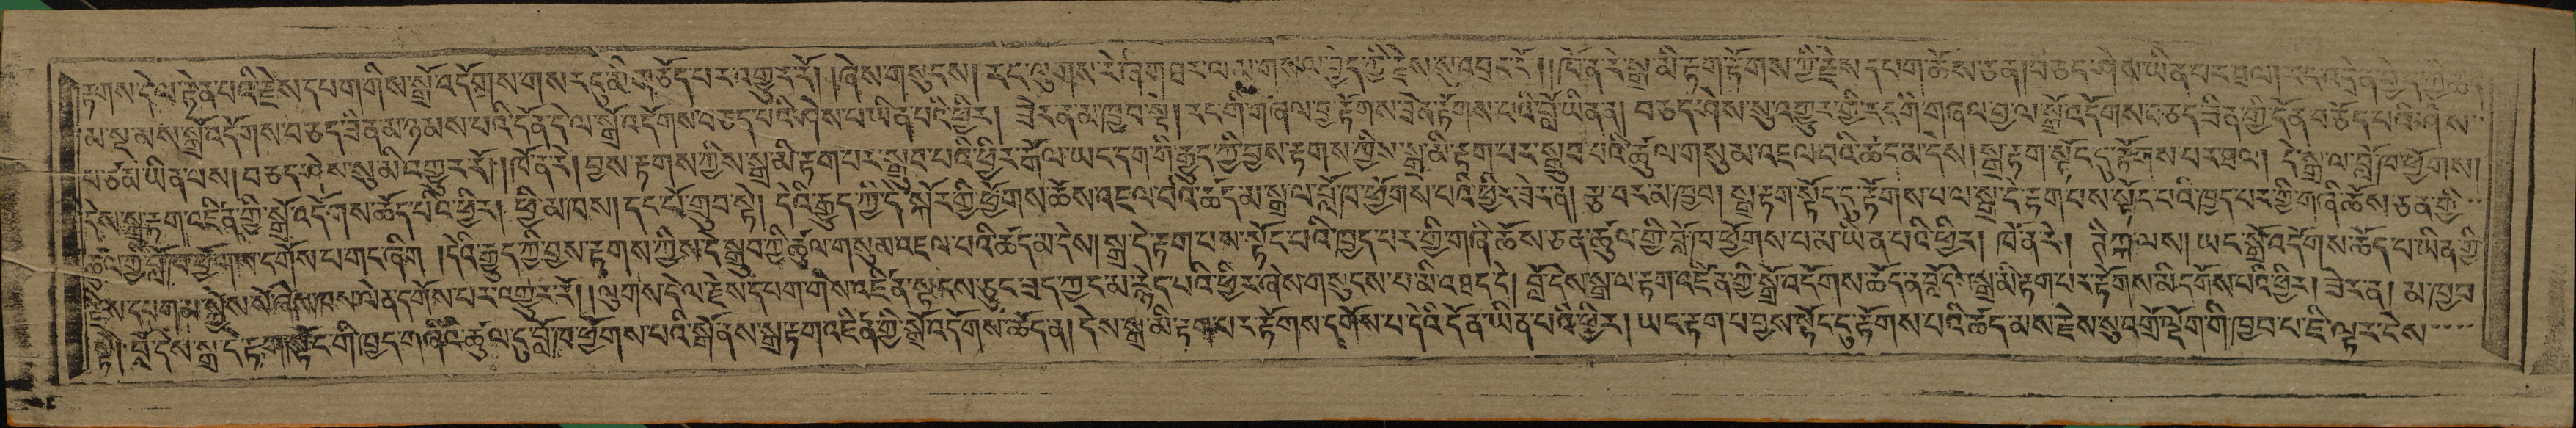རྟགས་དེ་ལ་རྟེན་པའི་རྗེས་དཔག་གིས་སྒྲོ་འདོགས་གསར་དུ་མི་གཅོད་པར་འགྱུར་རོ། །ཞེས་གསུངས། རང་ལུགས་རེ་ཞིག་ཐར་ལམ་གསལ་བྱེད་ཀྱི་རྗེས་སུ་འབྲང་ངོ། །ཁོ་ན་རེ་སྒྲ་མི་རྟག་རྟོགས་ཀྱི་རྗེས་དཔག་ཆོས་ཅན། བཅད་ཤེས་ཡིན་པར་ཐལ། རང་འདྲེན་བྱེད་ཀྱི་ཚད་
མ་སྔ་མས་སྒྲོ་འདོགས་བཅད་ཟིན་མ་ཉམས་པའི་དོན་དེ་ལ་སྒྲོ་འདོགས་བཅད་པའི་ཤེས་པ་ཡིན་པའི་ཕྱིར། ཟེར་ན་མ་ཁྱབ་སྟེ། རང་གི་གཞལ་བྱ་རྟོགས་ཟེན་རྟོགས་པའི་བློ་ཡིན་ན། བཅད་ཤེས་སུ་འགྱུར་གྱི་རང་གི་གཞལ་བྱ་ལ་སྒྲོ་འདོགས་བཅད་ཡིན་གྱི་དོན་བཅོད་པའི་ཤེས་
པ་ཙམ་ཡིན་པས། བཅད་ཤེས་སུ་མི་འགྱུར་རོ། །ཁོ་ན་རེ། བྱས་རྟགས་ཀྱིས་སྒྲ་མི་རྟག་པར་སྒྲུབ་པའི་ཕྱིར་རྒོལ་ཡང་དག་གི་རྒྱུད་ཀྱི་བྱས་རྟགས་ཀྱིས་སྒྲ་མི་རྟག་པར་སྒྲུབ་པའི་ཚུལ་གསུམ་འཇལ་བའི་ཚད་མ་དེས། སྒྲ་རྟག་སྟོང་དུ་རྟོགས་པར་ཐལ། དེ་སྒྲ་ལ་བློ་ཁ་ཕྱོགས།
དེས་སྒྲ་རྟག་འཛིན་གྱི་སྒྲོ་འདོགས་ཆོད་པའི་ཕྱིར། ཕྱི་མ་ཁས། དང་པོ་གྲུབ་སྟེ། དེའི་རྒྱུད་ཀྱི་དེ་སྐོར་གྱི་ཕྱོགས་ཆོས་འཇལ་བའི་ཚད་མ་སྒྲ་ལ་བློ་ཁ་ཕྱོགས་པའི་ཕྱིར་ཟེར་ན། རྩ་བར་མ་ཁྱབ། སྒྲ་རྟག་སྟོང་དུ་རྟོགས་པ་ལ་སྒྲ་དེ་རྟག་པས་སྟོང་པའི་ཁྱད་པར་གྱི་གཞི་ཆོས་ཅན་གྱི་
ཚུལ་གྱི་བློ་ཁ་ཕྱོགས་དགོས་པ་གང་ཞིག །དེའི་རྒྱུད་ཀྱི་བྱས་རྟགས་ཀྱིས་དེ་སྒྲུབ་ཀྱི་ཚུལ་གསུམ་འཇལ་བའི་ཚད་མ་དེས། སྒྲ་དེ་རྟག་པས་སྟོང་བའི་ཁྱད་པར་གྱི་གཞི་ཆོས་ཅན་ཚུལ་གྱི་བློ་ཁ་ཕྱོགས་པ་མ་ཡིན་པའི་ཕྱིར། ཁོ་ན་རེ། ཊིཀྐ་ལས། ཡང་སྒྲོ་འདོགས་ཆོས་པ་ཡིན་གྱི་
རྗེས་དཔག་མ་སྐྱེས་སོ་ཞེས་ཁས་ལེན་དགོས་པར་འགྱུར་རོ། །ལུགས་དེ་ལ་རྗེས་དཔག་གིས་འཛིན་སྟངས་ཅུང་ཟད་ཀྱང་མ་རྙེད་པའི་ཕྱིར་ཞེས་གསུངས་པ་མི་འཐད་དེ། བློ་དེས་སྒྲ་ལ་རྟག་འཛིན་གྱི་སྒྲོ་འདོགས་ཆོད་ན་བློ་དེས་སྒྲ་མི་རྟག་པར་རྟོགས་མི་དགོས་པའི་ཕྱིར། ཟེར་ན། མ་ཁྱབ་
སྟེ། བློ་དེས་སྒྲ་དེ་རྟག་སྟོང་གི་ཁྱད་གཞིའི་ཚུལ་དུ་བློ་ཁ་ཕྱོགས་པའི་སྒོ་ནས་སྒྲ་རྟག་འཛིན་གྱི་སྒོ་འདོགས་ཆོད་ན། དེས་སྒྲ་མི་རྟག་པར་རྟོགས་དགོས་པ་དེའི་དོན་ཡིན་པའི་ཕྱིར། ཡང་རྟག་པ་བྱས་སྟོང་དུ་རྟོགས་པའི་ཚད་མས་ངེས་སུ་འགྲོལ་ལྡོག་གི་ཁྱབ་པ་ཇི་ལྟར་ངེས་